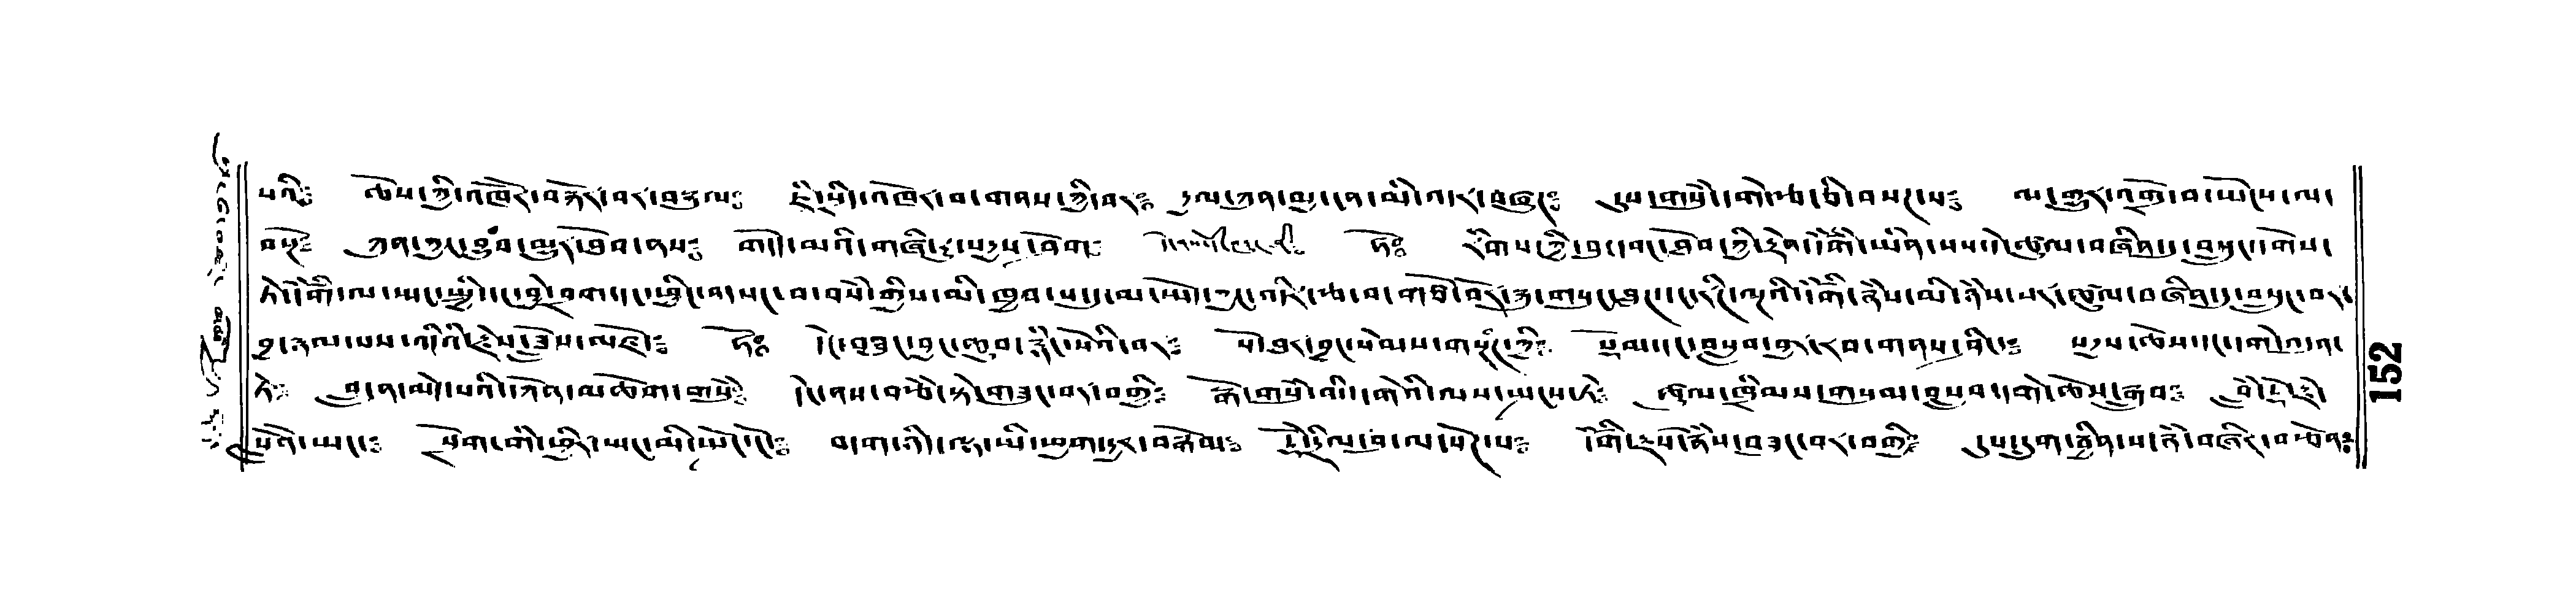པའི༔ ཆོས་ཀྱི་འཁོར་ལོ་བསྐོར་བ་བསྐུལ༔ ཇི་སྲིད་འཁོར་བ་གནས་ཀྱི་བར༔ རྒྱལ་ཀུན་མྱ་ངན་མི་འདར་བཞུགས༔ དུས་གསུམ་དགེ་རྩ་ཅི་བསགས་པ༔ མ་གྱུར་འགྲོ་བ་ཡོངས་ལ་
བསྔོ༔ ཀུན་ཀྱང་བྱང་ཆུབ་མྱུར་ཐོབ་ནས༔ གདོད་མའི་གཞི་རུ་སངས་རྒྱས་ཤོག༔ དེ་ནས་དམ་བཟུང་ནི༔ ཧོ༔ རིགས་ཀྱི་བུ་དབང་ཐོབ་ཀྱི་རྟེན་དམ་ཚིག་ཡིན་པས་དེ་ཚུལ་བཞིན་དུ་བསྲུང་དགོས་
ཏེ་དམ་ཚིག་ལ་ཡང་སྤྱི་དང་བྱེ་བྲག་དང་ཕྱི་ནང་གསང་བ་བསམ་གྱིས་མི་ཁྱབ་པ་དུ་མ་ཡོད་ཀྱང་འདིར་རྩ་བ་གཙོ་བོ་སྐུ་གསུང་ཐུགས་དང་རིགས་ལྔའི་དམ་ཚིག་རྣམས་མི་ཉམས་པར་ཚུལ་བཞིན་དུ་བསྲུང་བར་
བྱ་སྙམ་པས་འདིའི་རྗེས་ཟློས་མཛོད༔ ཧོཿ དེང་བཟུང་བྱང་ཆུབ་སྙིང་པོའི་བར༔ སོ་ཐར་བྱང་སེམས་གསང་སྔགས་ཀྱི༔ སྡོམ་དང་བསླབ་བྱར་རབ་གནས་ཤིང༔ སངས་རྒྱས་ཆོས་དང་དགེ་འདུན་
ཏེ༔ བླ་ན་མེད་པའི་དཀོན་མཆོག་གསུམ༔ དེང་ནས་བརྩམ་སྟེ་གཟུང་བར་བགྱི༔ སྒོ་གསུམ་མི་དགེའི་ལས་སྤངས་ཏེ༔ ཚུལ་ཁྲིམས་གསུམ་བསླབ་དགེ་ཆོས་སྒྲུབ༔ བླ་མ་རྡོ་རྗེ་
སློབ་དཔོན་ཡང༔ སྲོག་གི་ཕྱིར་ཡང་མི་སྤོང་ངོ༔ བདག་ཉིད་ལྷ་ཡི་ཕྱག་རྒྱར་བསྒོམ༔རྡོ་རྗེ་དྲིལ་བུ་ལ་སོགས་པ༔ དམ་ཚིག་རྫས་རྣམས་བཟུང་བར་བགྱི༔ དུས་དྲུག་སྦྱིན་པ་རྣམ་བཞིར་བརྩོན༔